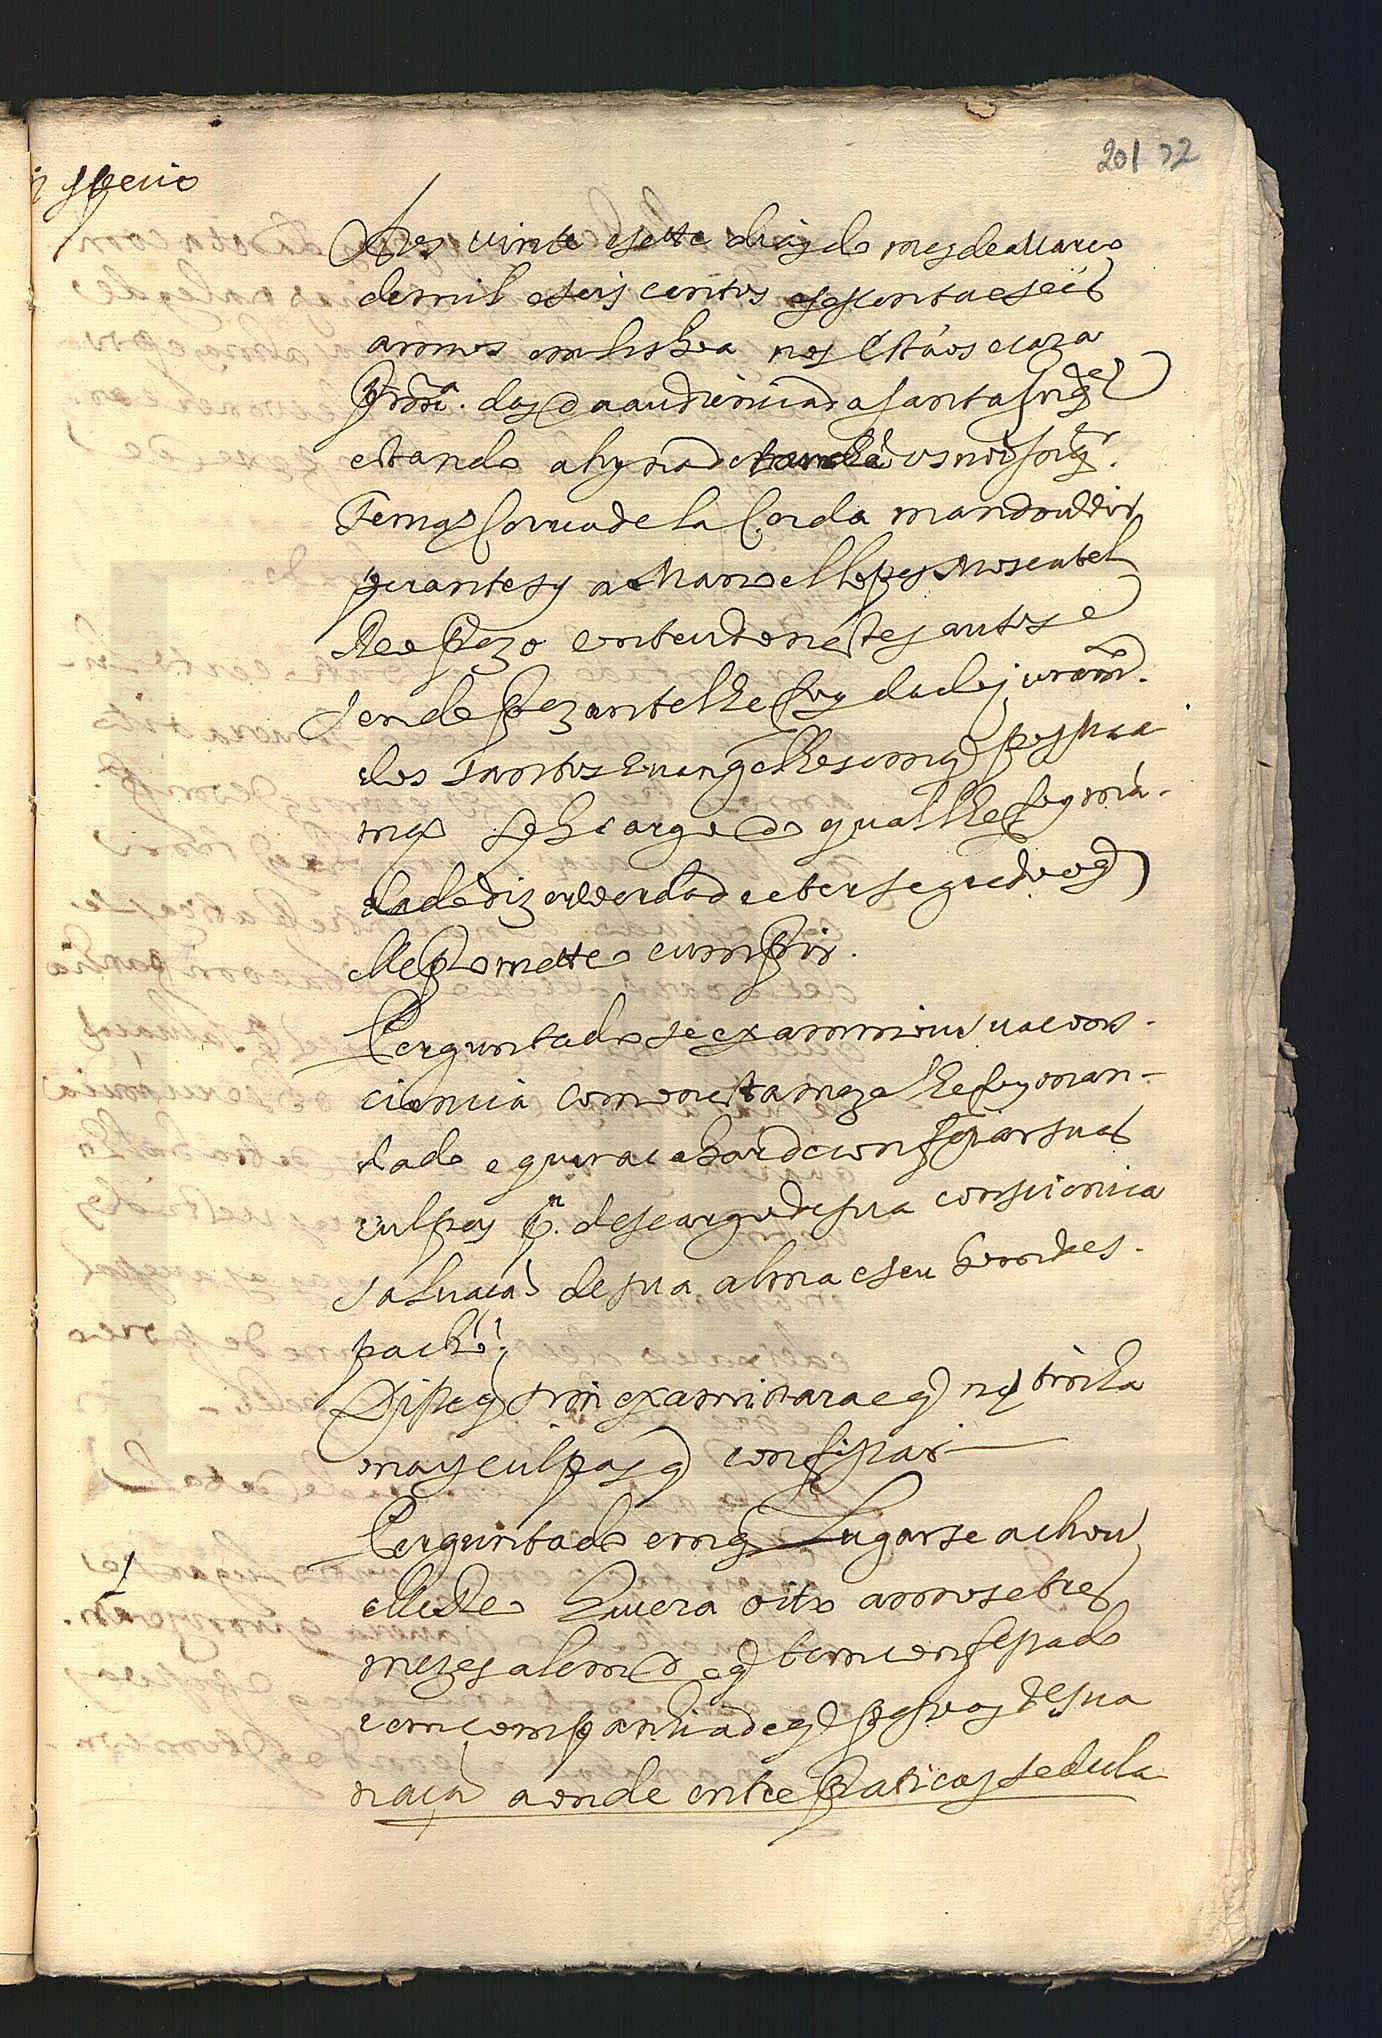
Aos uinte e sette dias do mez de Março
de mil e seiscentos e sessenta e seis
annos em lisboa nos Estaos e caza
p̄mra. das da audiencia da Santa Jnqcaõ
estando ahy na de
o snor̄ Jnqor.
Fernaõ Correa de LaCerda mandou vir
perante sy a Manoel lopes MoscateL
Reo prezo conteudo nestes autos e
sendo prezente lhe foy dado juramto.
dos santos Euangelhos em q̄ pos sua
maõ sob cargo do qual lhe foy mā
dado dizer verdade e ter segredo o q̄
elle prometteo cumprir.
Perguntado se examinou sua cons
ciencia como nesta meza lhe foy man
dado e quer acabar de confessar suas
culpas pa descargo de sua consciencia
saluaçaõ de sua alma e seu bom des
pacho?
Disse q̄ sim examinara e q̄ naõ tinha
mais culpas q̄ confessar
Perguntado em q̄ Lugar se achou
elle Reo hauera oito annos e tres
mezes alem do q̄ tem confessado
e em companhia de q̄ pessoas de sua
naçaõ aonde entre praticas se decla
